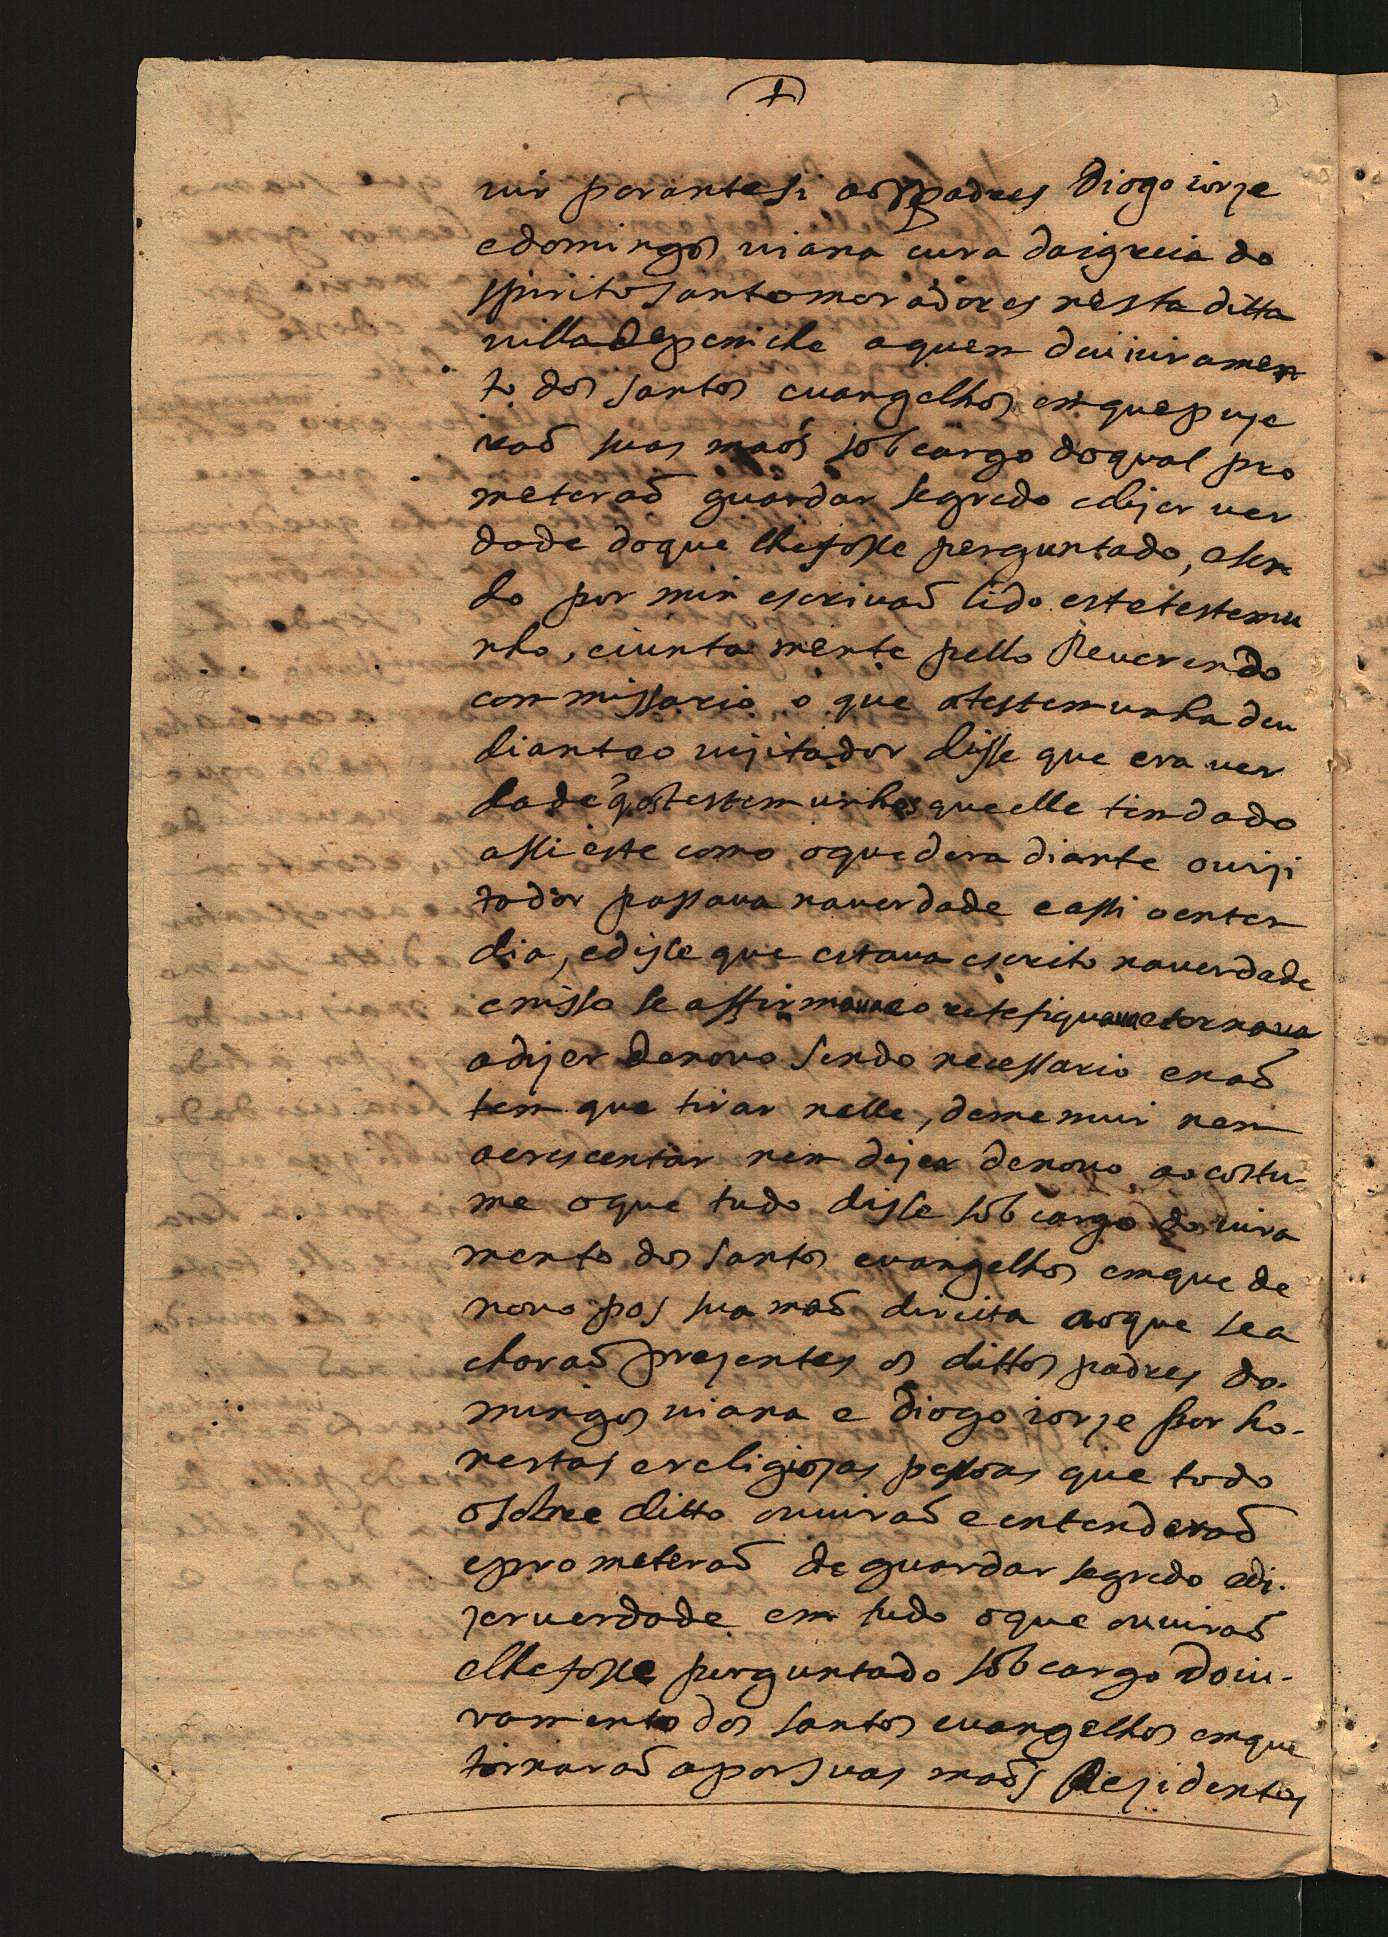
uir perante si aos padres Diogo iorze
e domingos uiana cura da igreia do
spirito santo moradores nesta ditta
uilla de peniche a quem deu iuramen
to dos santos euangelhos em que puze
raõ suas mãos sob cargo ao qual pro
meteraõ guardar segredo e dizer uer
dade do que lhe fosse perguntado, e sen
do por mim escriuaõ lido este testemu
nho, e iuntamente pello Reuerendo
commissario o que a testemunha deu
diante o uizitador disse que era uer
dade q̄ os testemunhos que elle tem dado
assi este como o que dera diante o uizi
tador passaua na uerdade e assi o enten
dia, e disse que estava escrito na uerdade
e nisso se affirmaua e o retefiquaua e tornaua
a dizer de nouo sendo necessario e naõ
tem que tirar nelle, demenuir nem
acrescentar nem dizer de nouo ao costu
me o que tudo disse sob cargo do iura
mento dos santos euangelhos em que de
nouo pos sua maõ direita ao que se a
charaõ prezentes os dittos padres do
mingos uiana e diogo iorze por ho
nestas e religiozas pessoas que todo
o sobreditto ouuiraõ e entenderaõ
e prometeraõ de guardar segredo e di
zer uerdade em tudo o que ouuiraõ
e lhe fosse perguntado sob cargo do iu
ramento dos santos euangelhos em que
tornaraõ a por suas mãos Rezidentes
